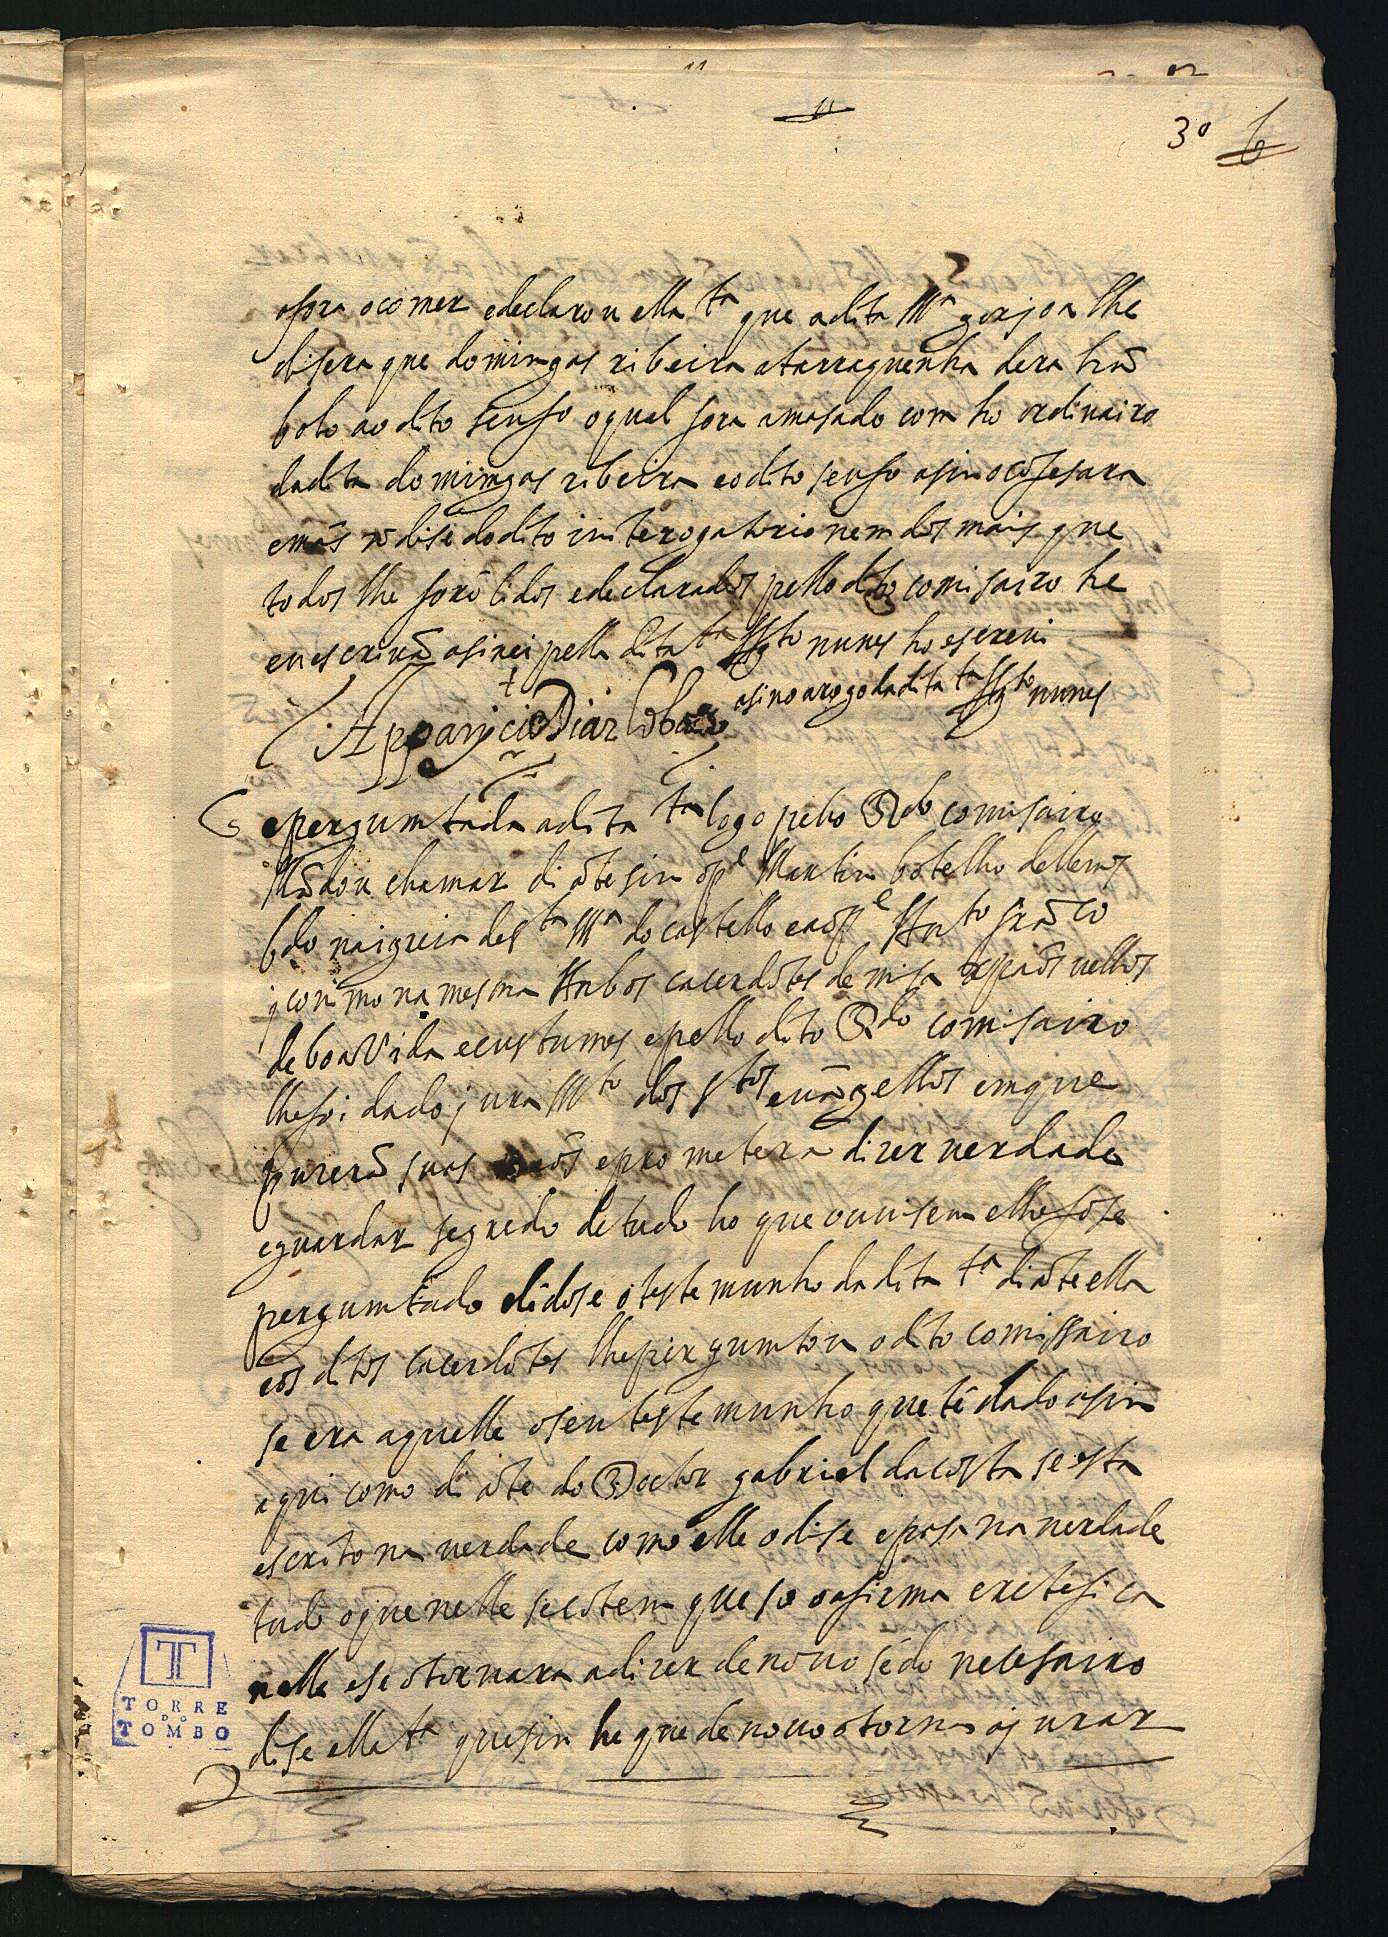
afora o comer e declarou ella ta que a dita Ma gorjoa lhe
disera que domimgas ribeira a tarraquenha dera hū
bolo ao dito seu fo o qual fora amasado com ho ordinairo
da dita domimgas ribeira e o dito seu fo asim o cōfesara
e mais nō dise do dito imterogatorio nem dos mais que
todos lhe forō lidos e declarados pello dito comisairo he
eu escriuā asinei pella dita ta Agto nunes ho escreui
Apparycio Diaz lobato
asino a rogo da dita ta Agto nunes
item e pergumtada a dita ta logo pello Rdo comisairo
Mādou chamar diāte sim o pe Martim botelho de llemos
bdo na igreia de sta Ma do castello e ao pe Anto frāco
jconimo na mesma Anbos cacerdotes de misa xpaõs uelhos
de boa Vida e custumes e pello dito Rdo comisairo
lhe foi dado juraMto dos stos euāgelhos em que
puzerā suas maõs e prometerā dizer uerdade
e guardar segredo de tudo ho que ouuisem e lhe fose
pergumtado e lēdose o testemunho da dita ta diāte ella
e os ditos cacerdotes lhe pergumtou o dito comissairo
se era aquelle o seu testemunho que tē dado asim
aqui como diāte do Doctor gabriel da costa se esta
escrito na uerdade como elle o dise e pasa na uerdade
tudo o que nelle se cōtem que se o afirma e retefica
nelle e se o tornara a dizer de nouo sēdo necesairo
dise ella ta que sin he que de nouo o torna a jurar
